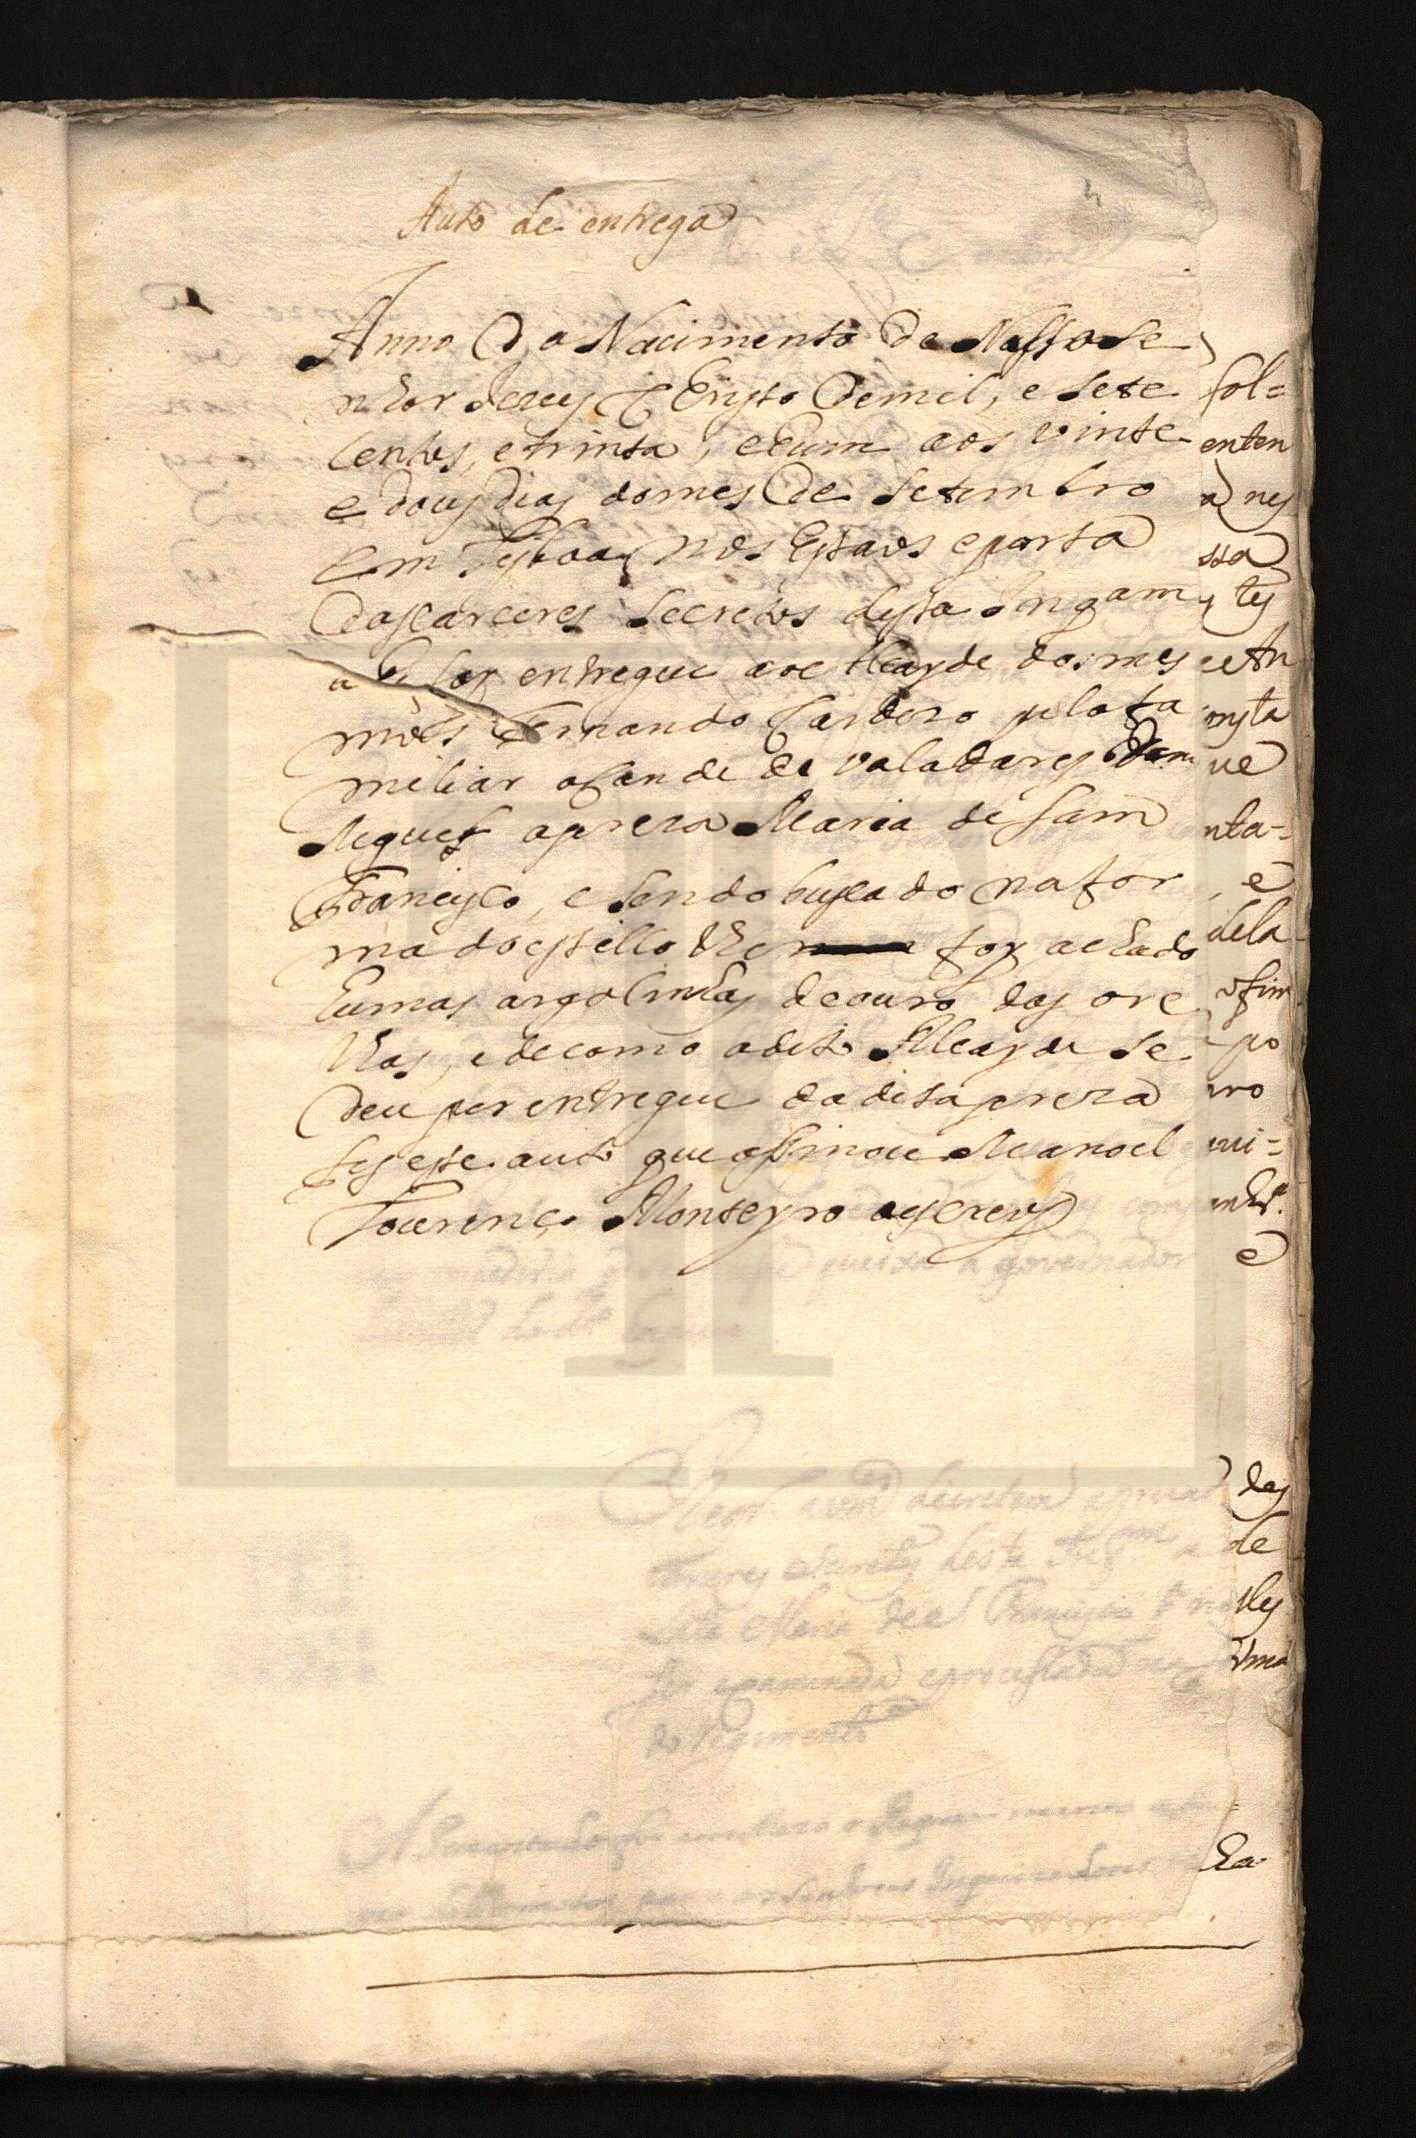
Auto de entrega
Anno do Nacimento de Nosso se
nhor Iesus Christo de mil, e sete
centos, e trinta, e hum aos vinte
e dous dias do mes de Setembro
em Lisboa nos Estaos e porta
dos carceres secretos desta Inqam
ahi foy entregue ao Alcayde dos mes
mos Fernando Cardozo pelo fa
miliar o Conde de valadares Dom
Mguel a preza Maria de sam
Francisco, e sendo buscado na for
ma do estillo lhem_ foy achado
humas argolinhas de ouro das ore
lhas, e de como o dito Alcayde se
deu per entregue da dita preza
fes este auto que assinou Manoel
Lourenço Monteyro o escrevj
